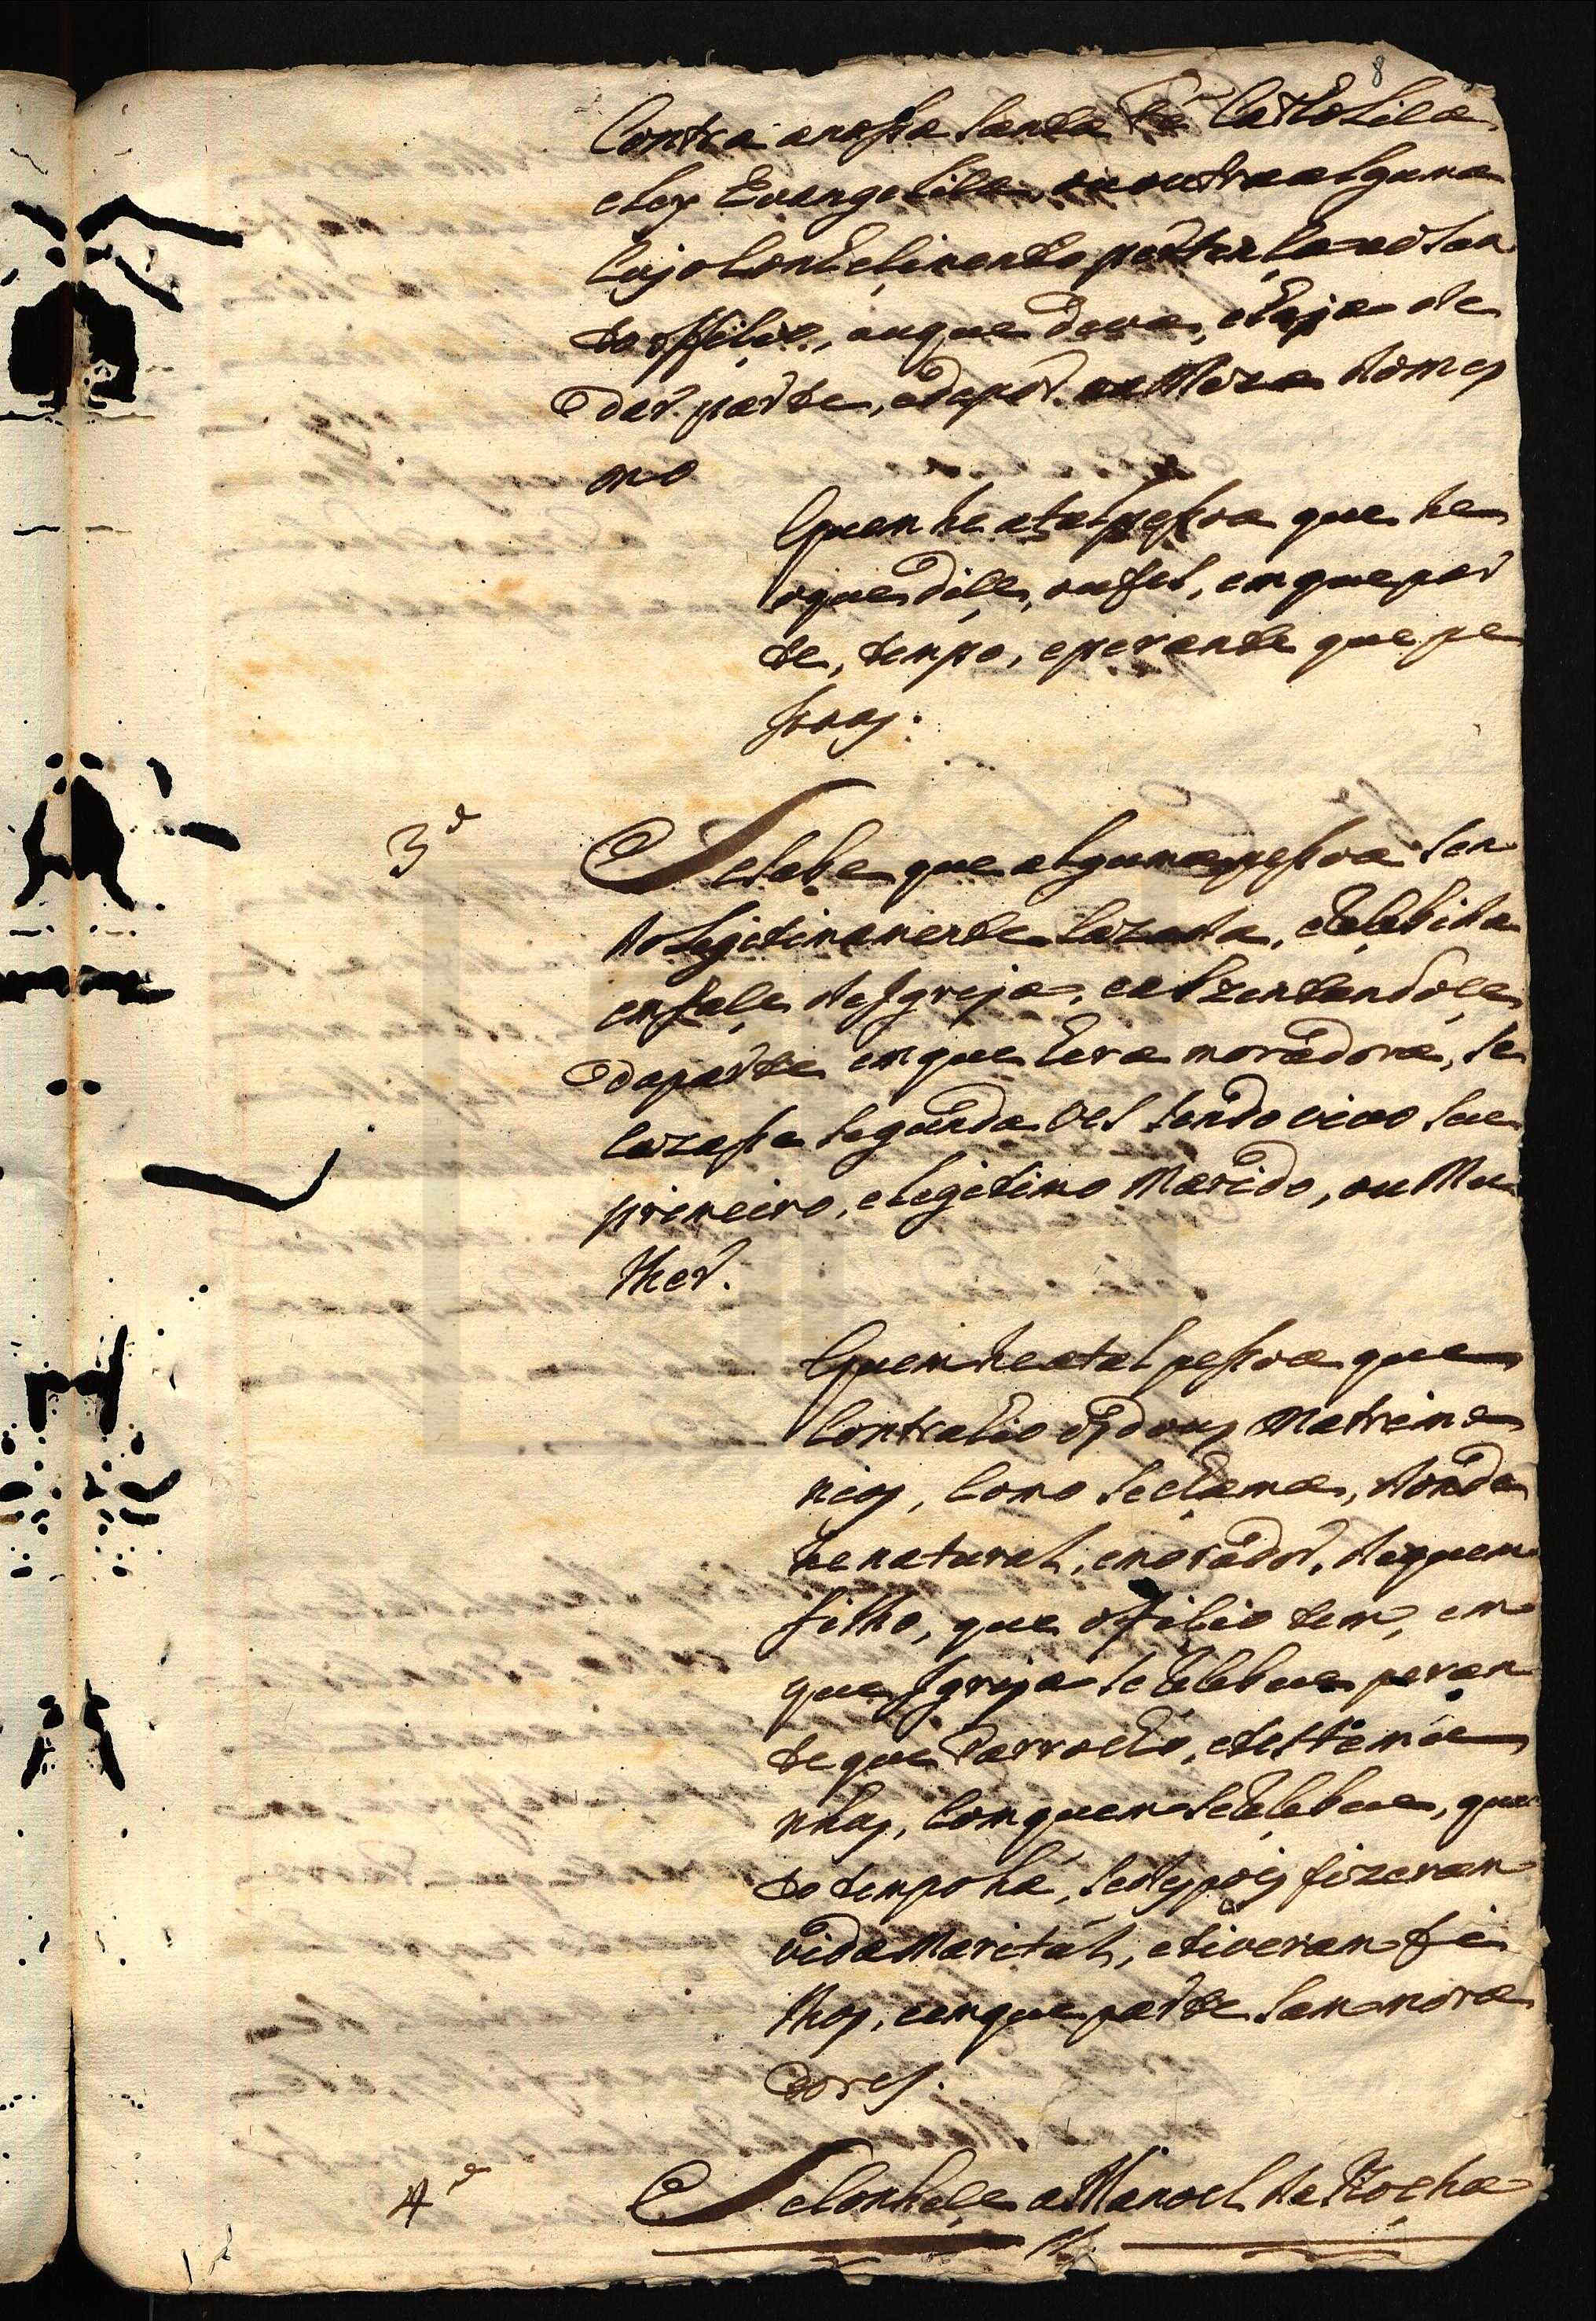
3o
4o
Contra a nossa santa Fé CathoLica
e Ley EvangeLica ou outra aLguma
Cujo ConheÇimento pertenÇa ao San
to offiÇio, ou que deva, e haja de
dar parte, e depor aa Meeza do mes
mo
Quem he a taL pessoa que he
a que diçe, ou fes, em que par
te, tempo, e perante que pe
ssoas:
Se Sabe que alguma pessoa sen
do Legitimamente Cazada, e ReÇebida
em faÇe de Jgreja, e a Izentandoçe
da parte em que hera moradora, se
cazase segunda ves sendo viv seu
primeiro, e Legitimo marido, ou Mu
lher.
Quem he a taL pessoa que
Contrahio os dous matrimo
nios, Como se chama, donde
he naturaL, e morador, de quem
filho, que ofiLio tem, em
que Jgreja se ReCebeu peran
te que Parrocho, e testemu
nhas, Com quem se ReÇebece, quan
to tempo há, se despois fizeram
vida maritáL, e tiveram fi
lhos, e em que parte sam mora
dores.
Se Conheçe a Manoel de Roçha
